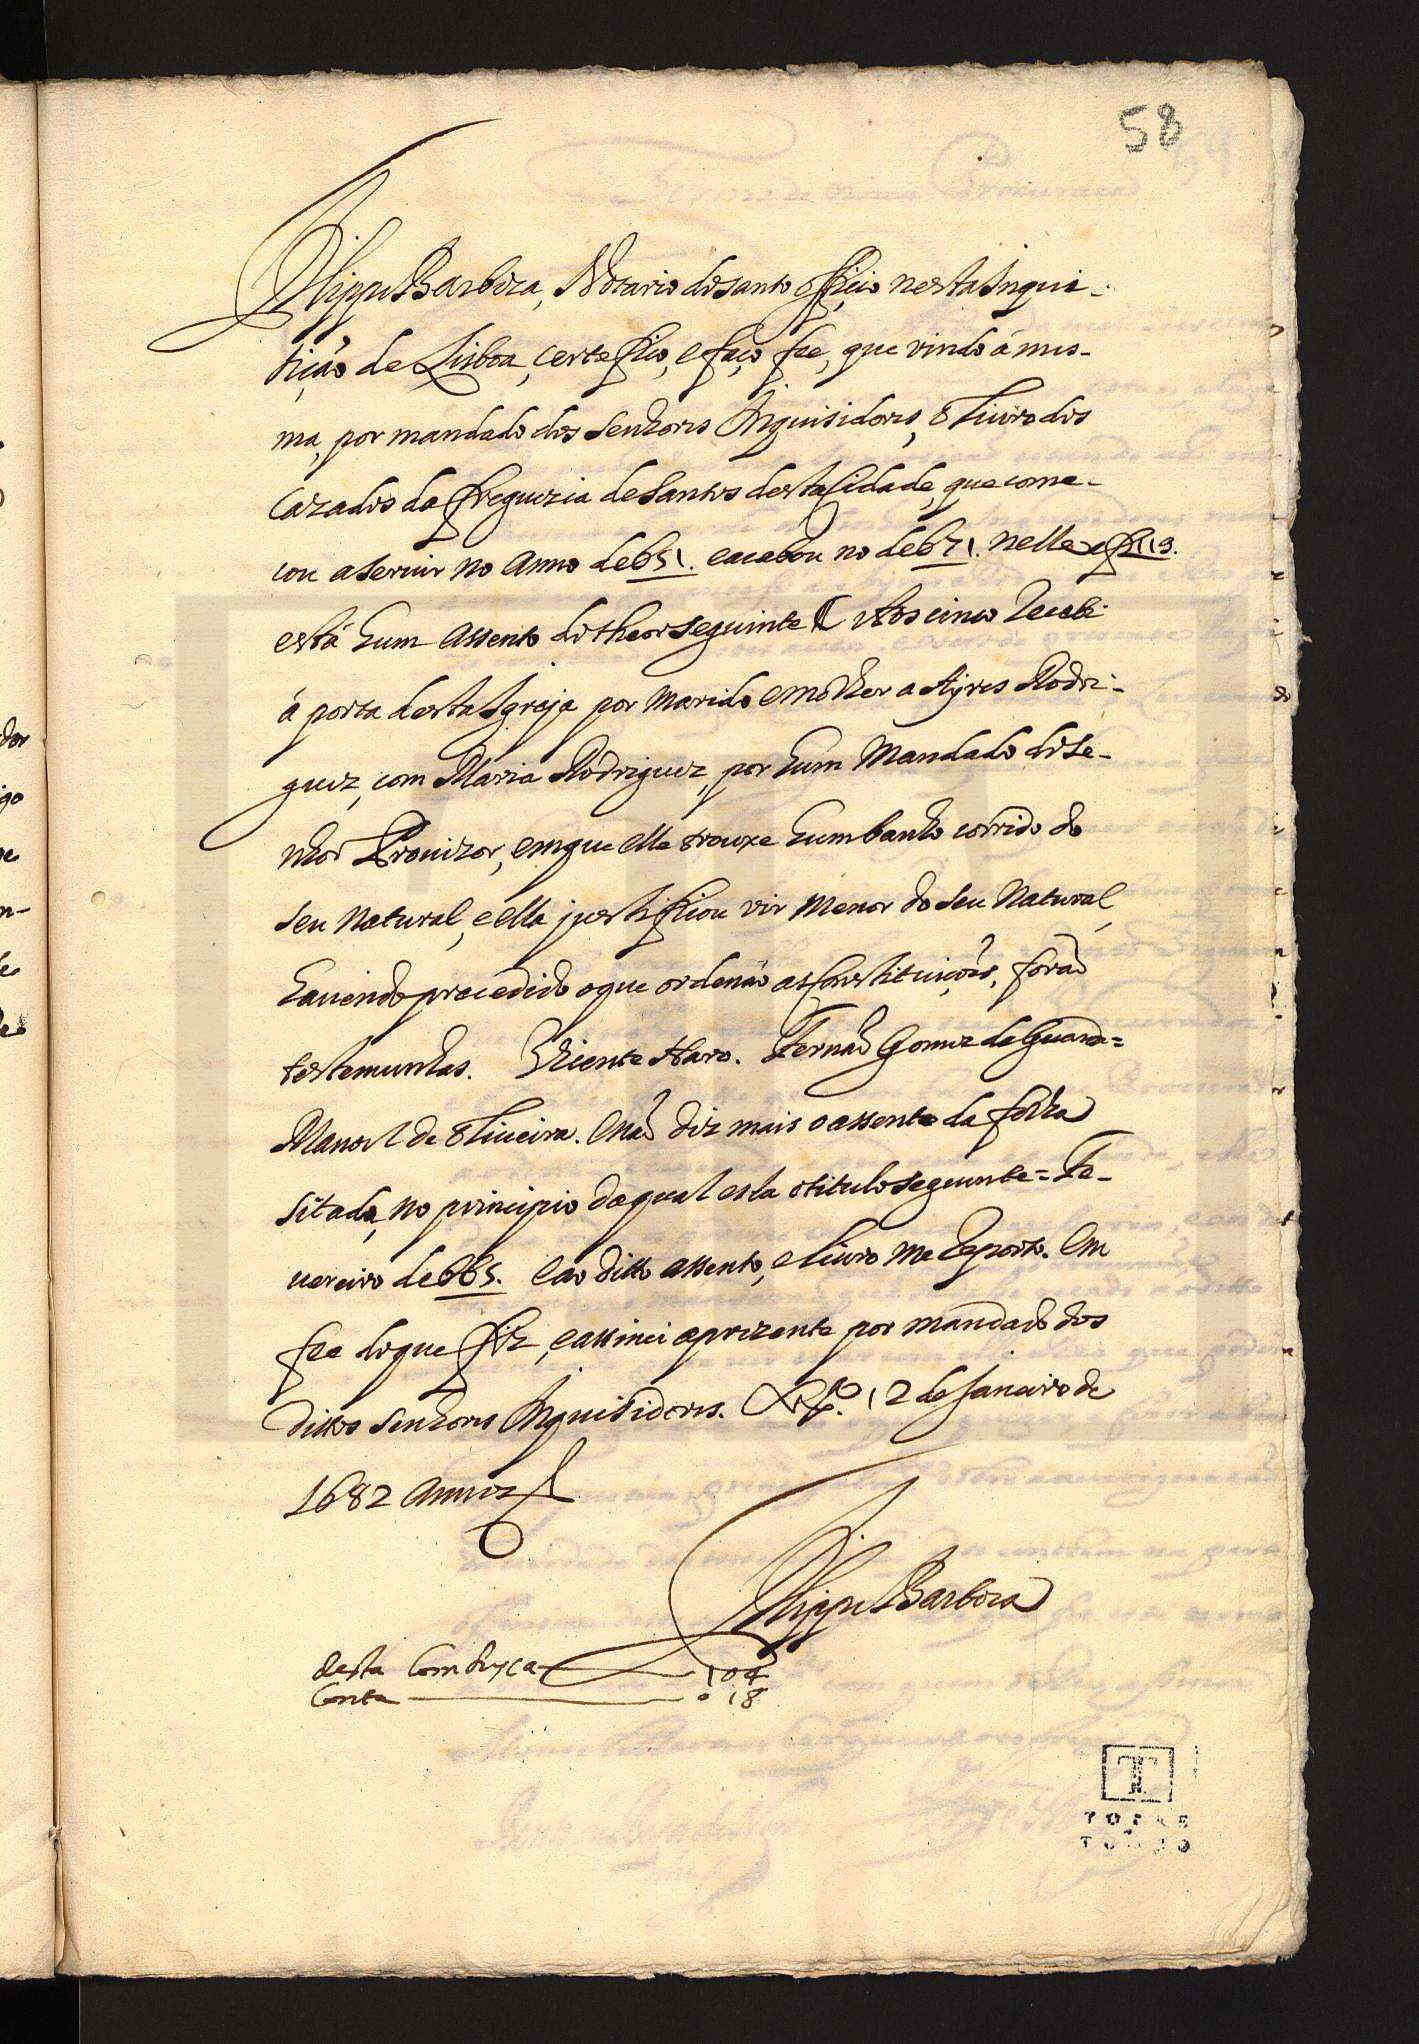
Filippe Barboza, Notario do santo offiçio nesta Inqui
siçaõ de Lisboa, certefico, e faço fee, que vindo á mes
ma, por mandado dos Senhores Inquisidores, o Liuro dos
Cazados da freguezia de Santos desta Cidade, que come
cou a seruir no anno de 651. e acabou no de 671. nelle a f 119.
está hum assento do theor seguinte ⁋ Aos cinco Recebi
á porta desta Igreja por marido e molher a Ayres Rodri
guez, com Maria Rodriguez, por hum mandado do se
nhor Prouizor, em que ella trouxe hum banho corrido do
seu natural, e elle justificou vir menor do seu natural,
hauendo precedido o que ordenaõ as Constituiçoẽs, foraõ
testemunhas. Vicente Haro. Fernaõ Gomez da Guarda =
Manoel de oliueira. E naõ diz mais o assento da folha
sitada, no principio da qual esta o titulo seguinte = Fe
uereiro de 665. E ao ditto assento, e liuro me Reporto. Em
fee do que fiz, e assinei a prezente por mandado dos
dittos senhores Inquisidores. Lx.a 12 de Janairo de
1682 annoz
